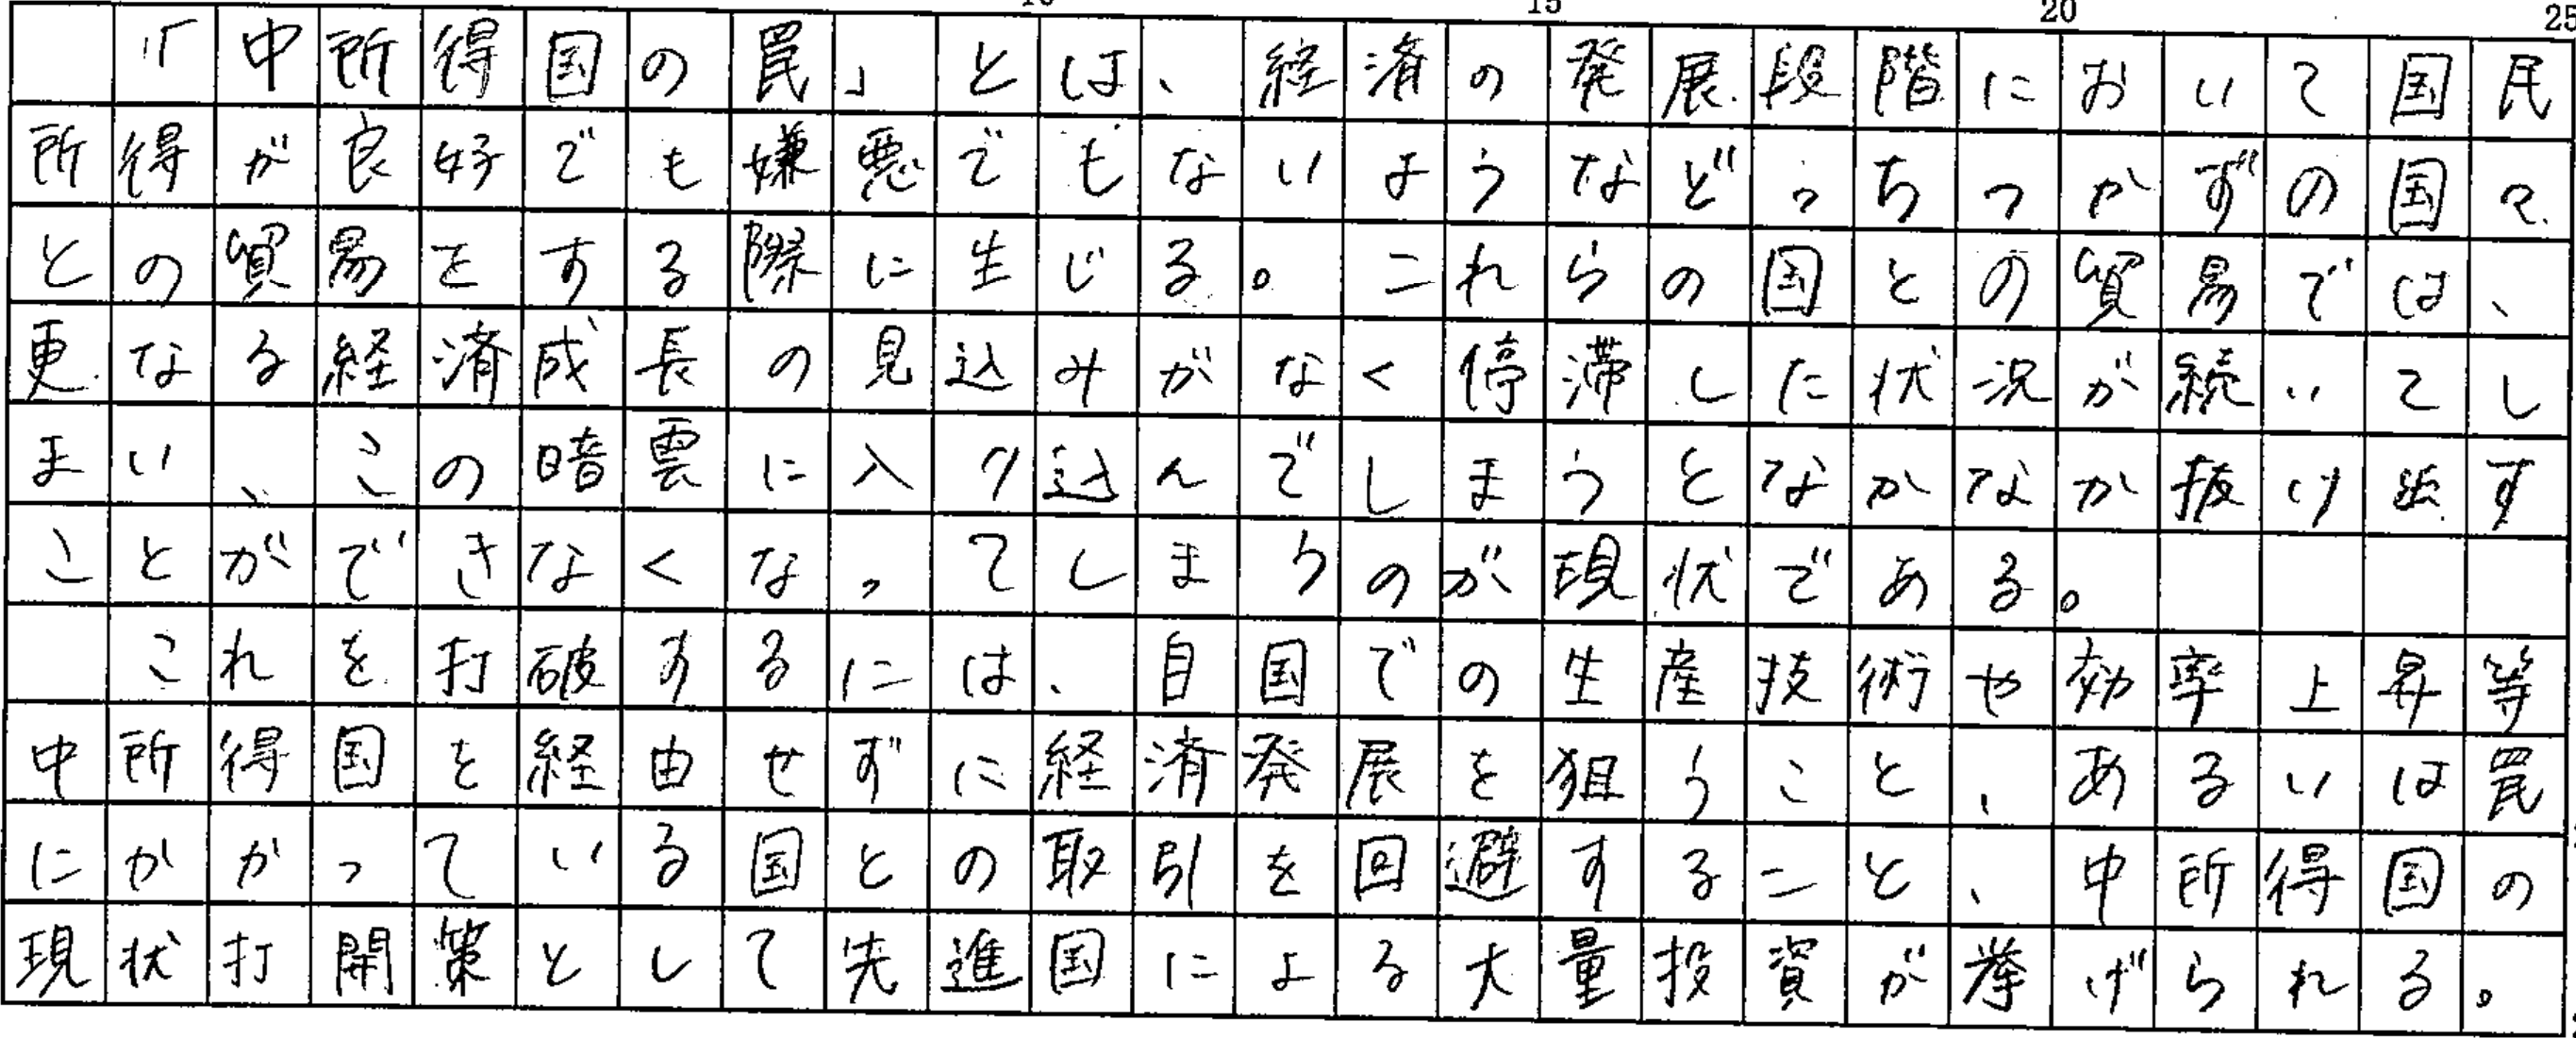　「中所得国の罠」とは、経済の発展段階において国民所得が良好でも嫌悪でもないようなどっちつかずの国々との貿易をする際に生じる。これらの国との貿易では、更なる経済成長の見込みがなく停滞した状況が続いてしまい、この暗雲に入り込んでしまうとなかなか抜け出すことができなくなってしまうのが現状である。
　これを打破するには、自国での生産技術や効率上昇等中所得国を経由せずに経済発展を狙うこと、あるいは罠にかかっている国との取引を回避すること、中所得国の現状打開策として先進国による大量投資が挙げられる。
